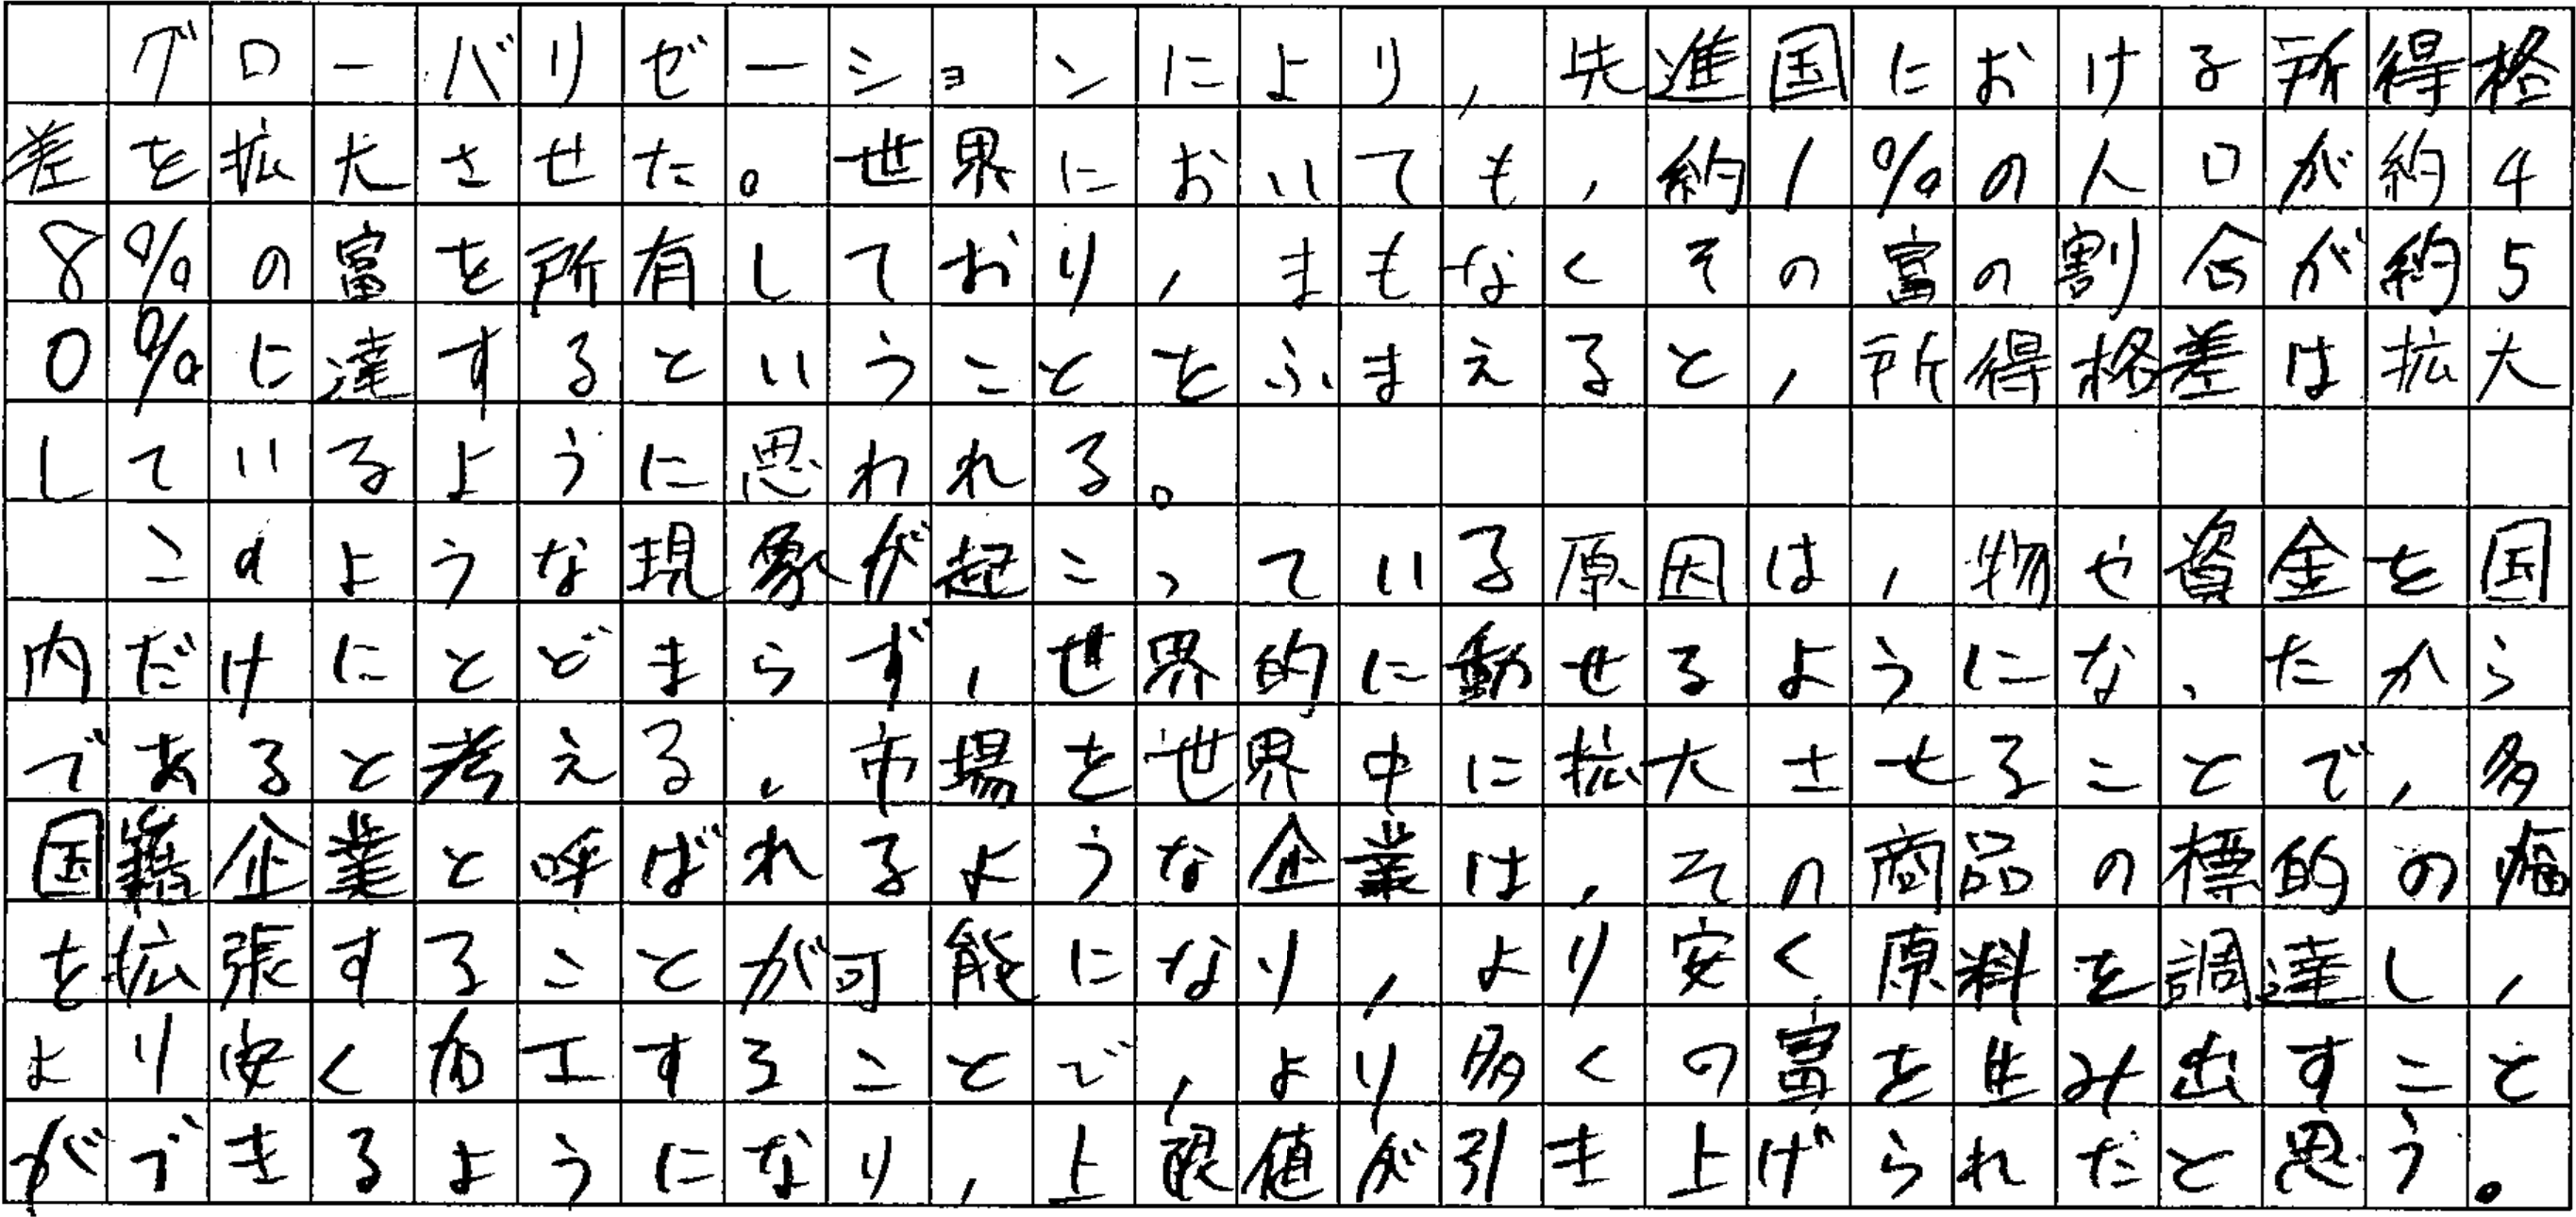　グローバリゼーションにより、先進国における所得格差を拡大させた。世界においても、約１％の人口が約４８％の富を所有しており、まもなくその富の割合が約５０％に達するということをふまえると、所得格差は拡大しているように思われる。
　このような現象が起こっている原因は、物や資金を国内だけにとどまらず、世界的に動せるようになったからであると考える。市場を世界中に拡大させることで、多国籍企業と呼ばれるような企業は、その商品の標的の幅を拡張することが可能になり、より安く原料を調達し、より安く加工することで、より多くの富を生み出すことができるようになり、上限値が引き上げられたと思う。
